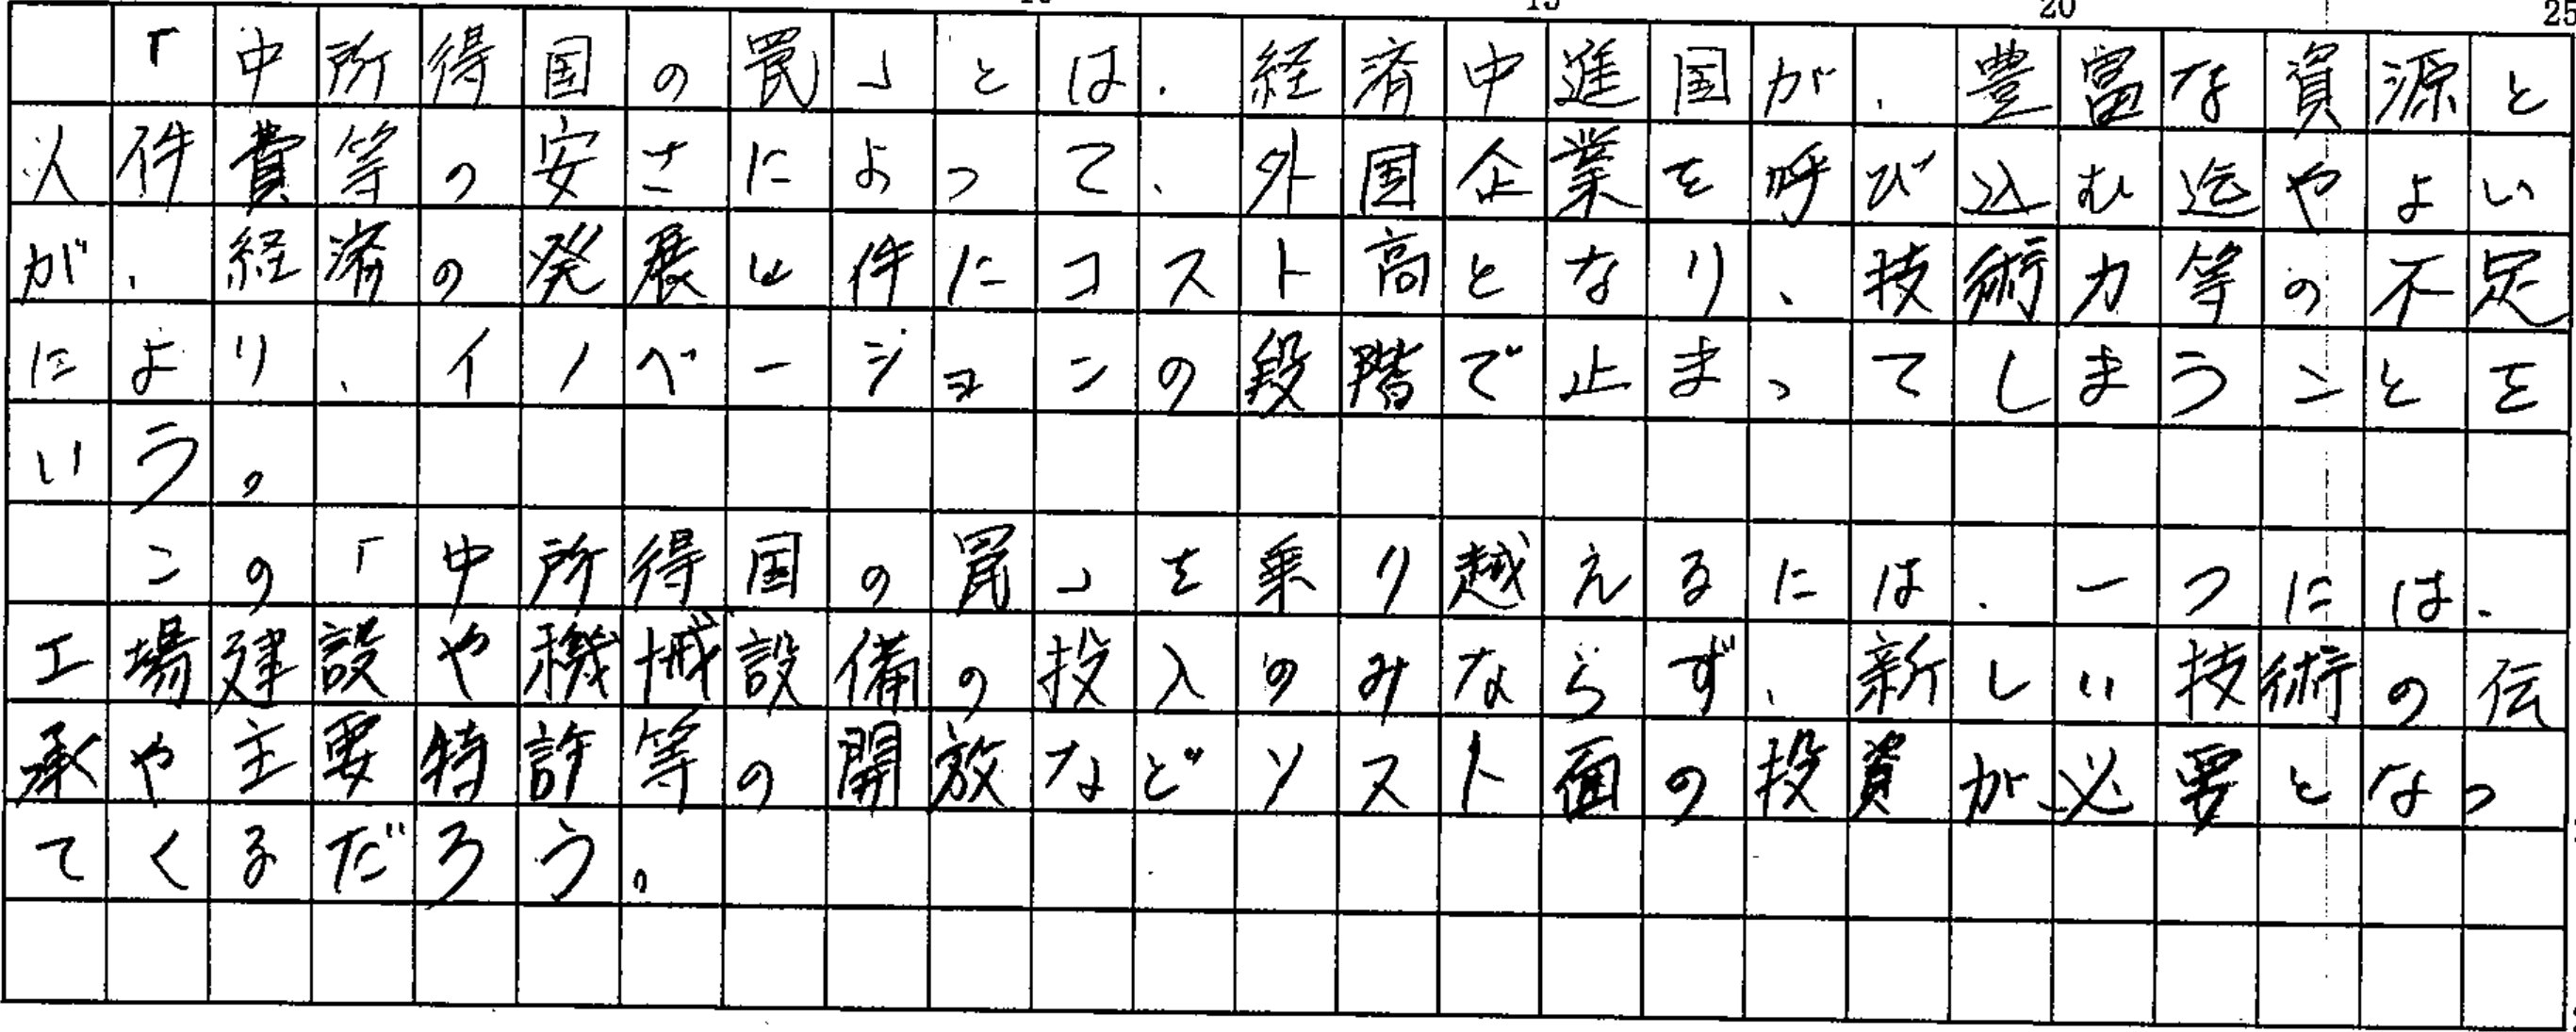　「中所得国の罠」とは、経済中進国が、豊富な資源と人件費等の安さによって、外国企業を呼び込む迄やよいが、経済の発展▁件にコスト高となり、技術力等の不足により、イノベーションの段階で止まってしまうことをいう。
　この「中所得国の罠」を乗り越えるには、一つには、工場建設や機械設備の投入のみならず、新しい技術の伝承や主要特許等の開放などソスト面の投資が必要となってくるだろう。
